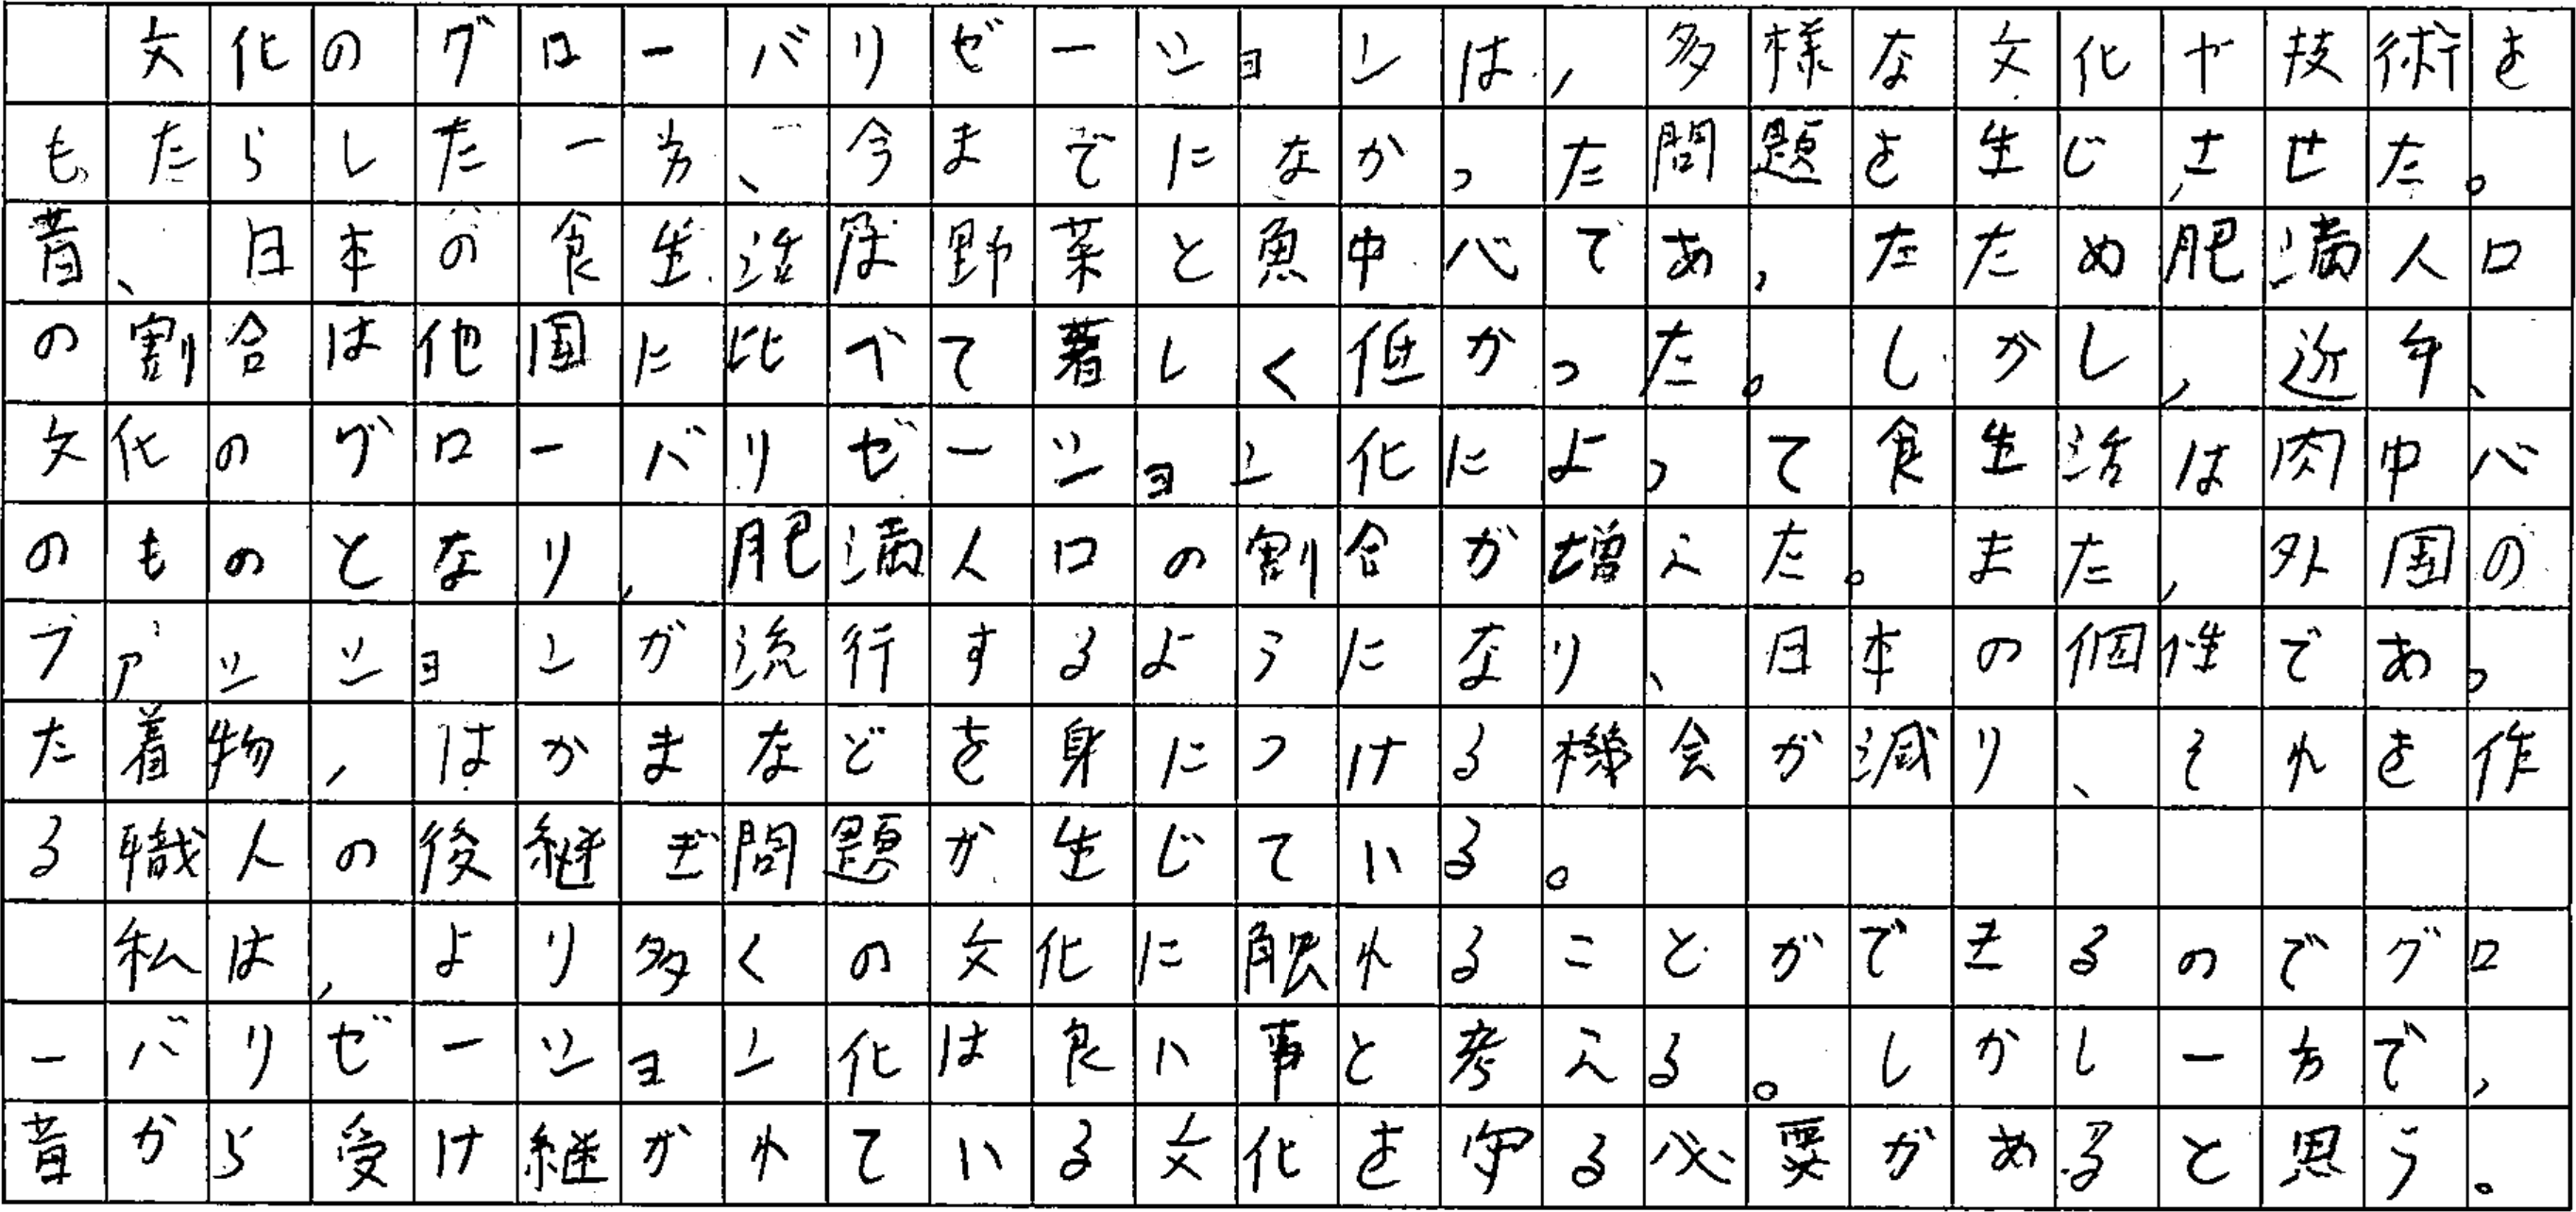　文化のグローバリゼーションは、多様な文化や技術をもたらした一方、今までになかった問題を生じさせた。昔、日本の食生活は野菜と魚中心であったため肥満人口の割合は他国に比べて著しく低かった。しかし、近年、文化のグローバリゼーション化によって食生活は肉中心のものとなり、肥満人口の割合が増えた。また、外国のファッションが流行するようになり、日本の個性であった着物、はかまなどを身につける機会が減り、それを作る職人の後継ぎ問題が生じている。
　私は、より多くの文化に触れることができるのでグローバリゼーション化は良い事と考える。しかし一方で、昔から受け継がれている文化を守る必要があると思う。
